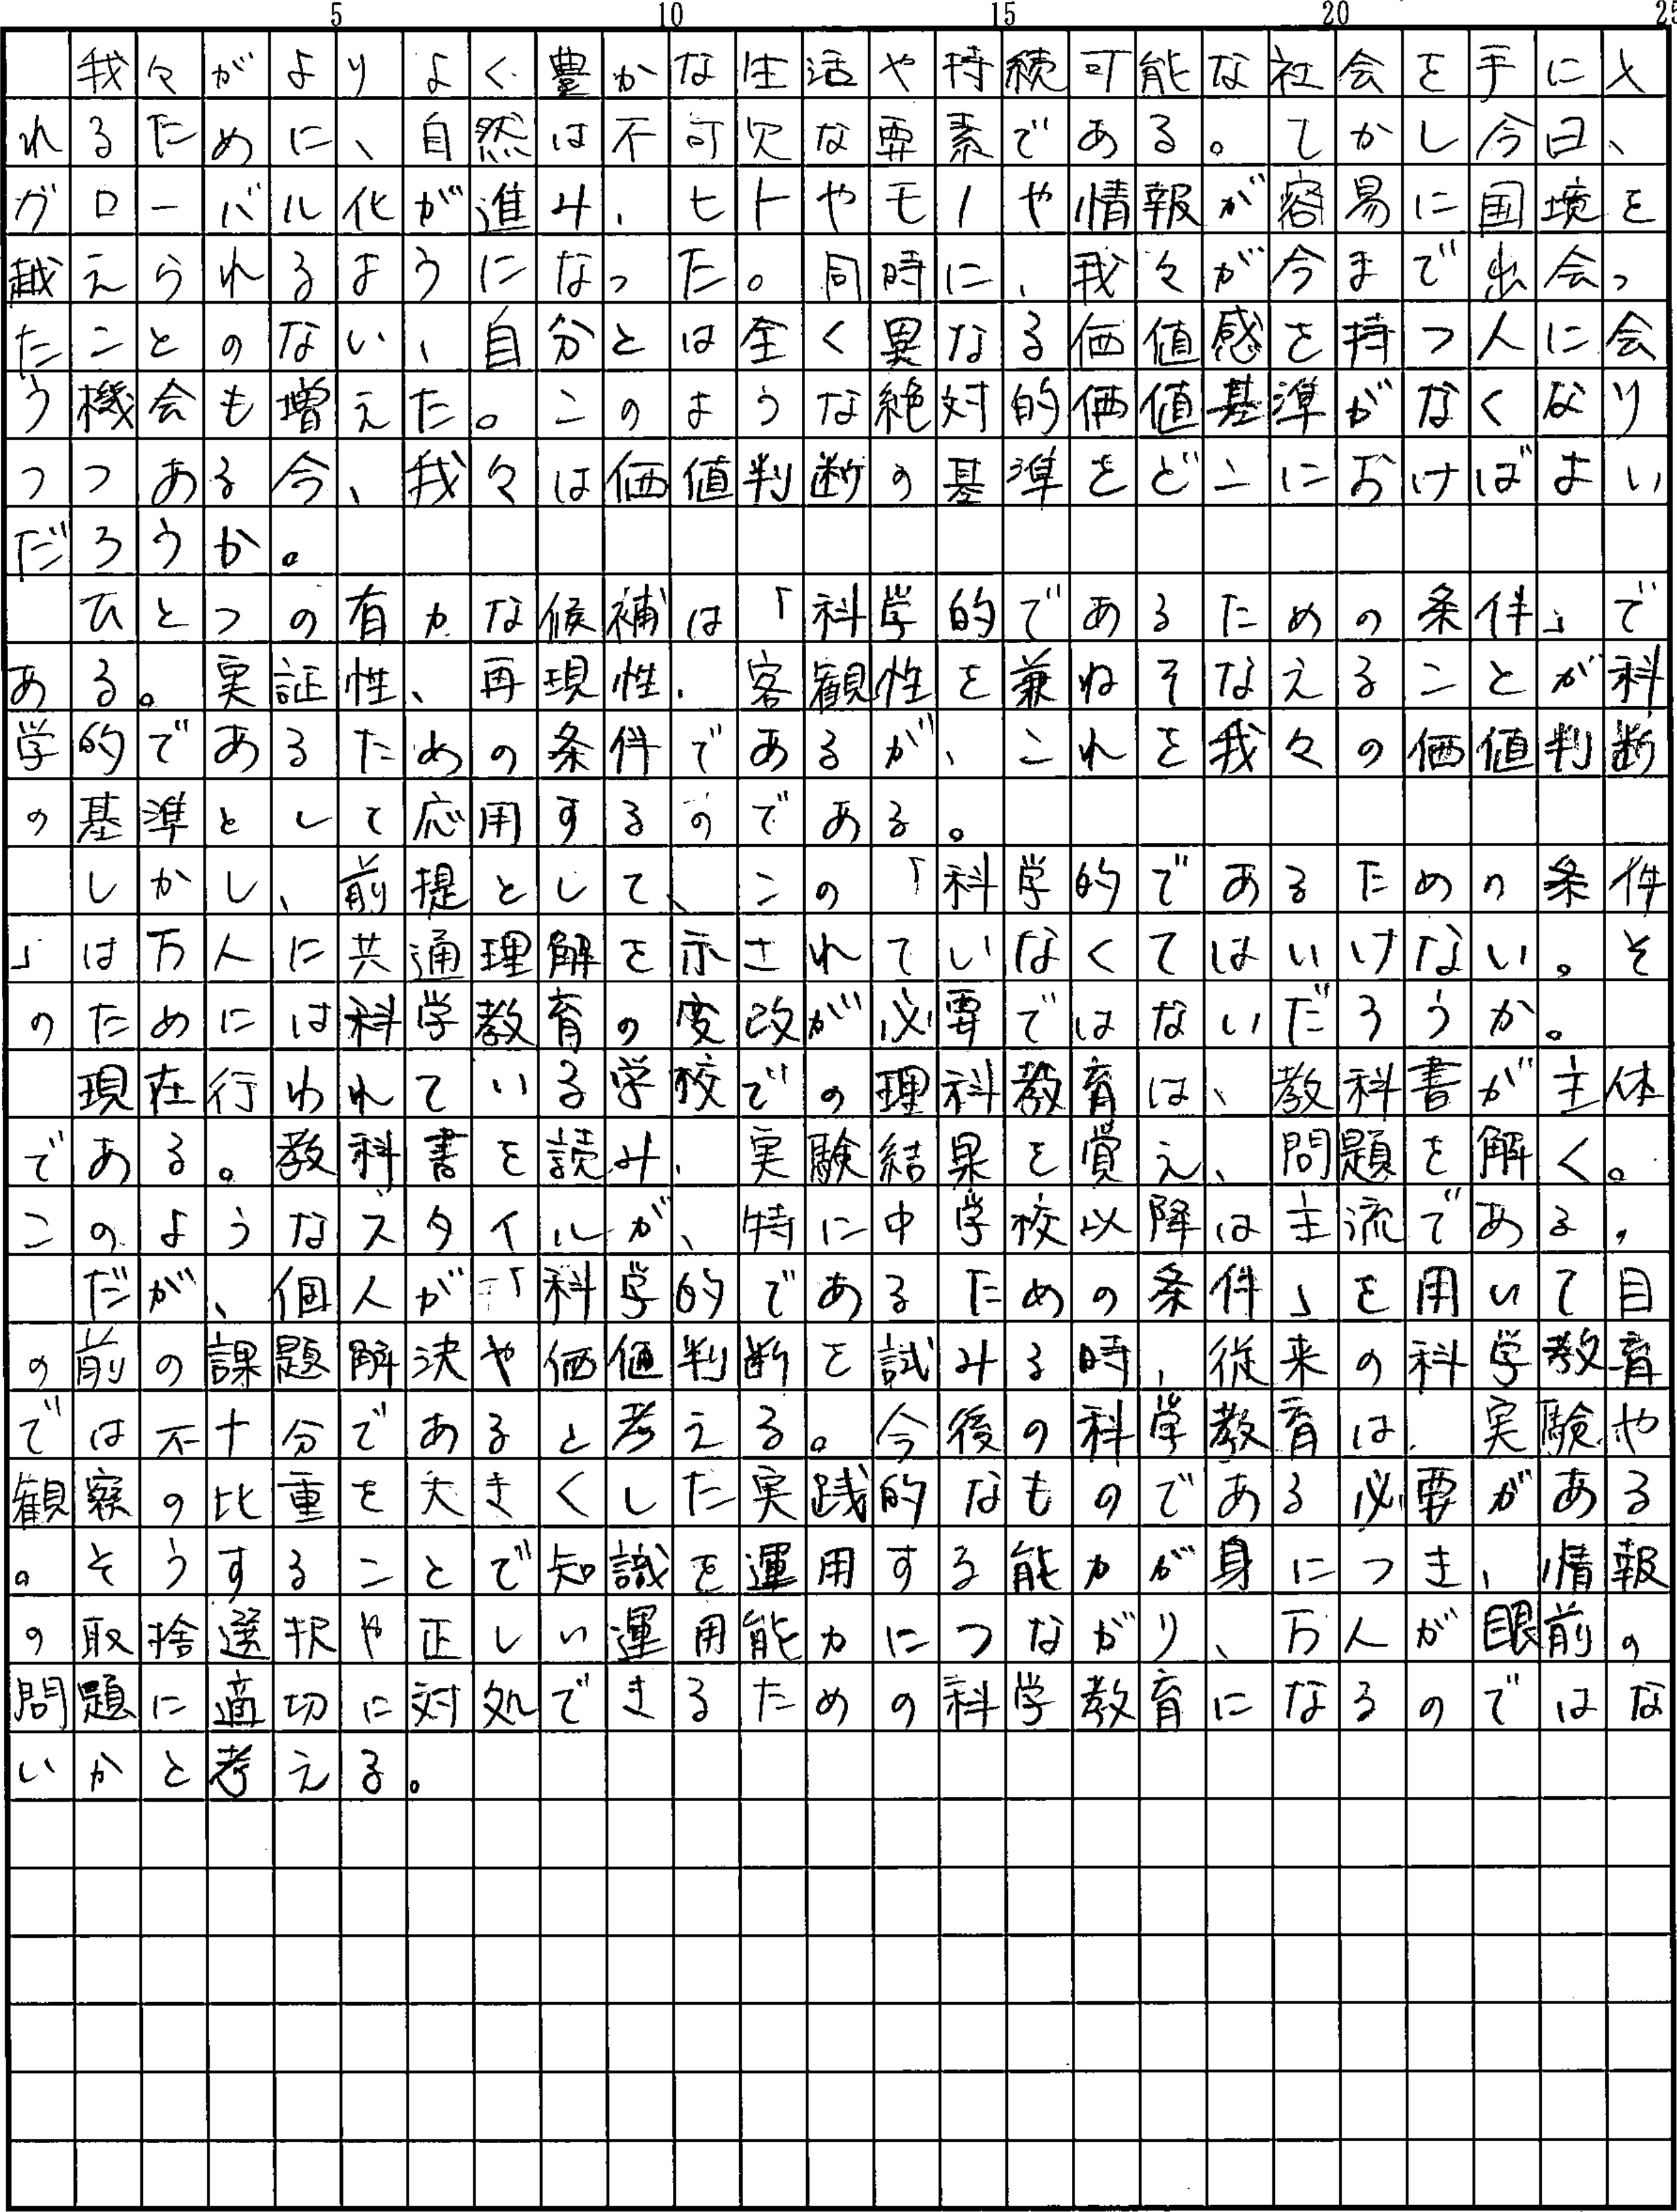　我々がよりよく豊かな生活や持続可能な社会を手に入れるために、自然は不可欠な要素である。しかし今日、グローバル化が進み、ヒトやモノや情報が容易に国境を越えられるようになった。同時に、我々が今まで出会ったことのない、自分とは全く異なる価値感を持つ人に会う機会も増えた。このような絶対的価値基準がなくなりつつある今、我々は価値判断の基準をどこにおけばよいだろうか。
　ひとつの有力な候補は、「科学的であるための条件」である。実証性、再現性、客観性を兼ねそなえることが科学的であるための条件であるが、これを我々の価値判断の基準として応用するのである。
　しかし、前提として、この「科学的であるための条件」は万人に共通理解を示されていなくてはいけない。そのためには科学教育の変改が必要ではないだろうか。
　現在行われている学校での理科教育は、教科書が主体である。教科書を読み、実験結果を覚え、問題を解く。このようなスタイルが、特に中学校以降は主流である。
　だが、個人が「科学的であるための条件」を用いて目の前の課題解決や価値判断を試みる時、従来の科学教育では不十分であると考える。今後の科学教育は、実験や観察の比重を大きくした実践的なものである必要がある。そうすることで知識を運用する能力が身につき、情報の取捨選択や正しい運用能力につながり、万人が眼前の問題に適切に対処できるための科学教育になるのではないかと考える。
